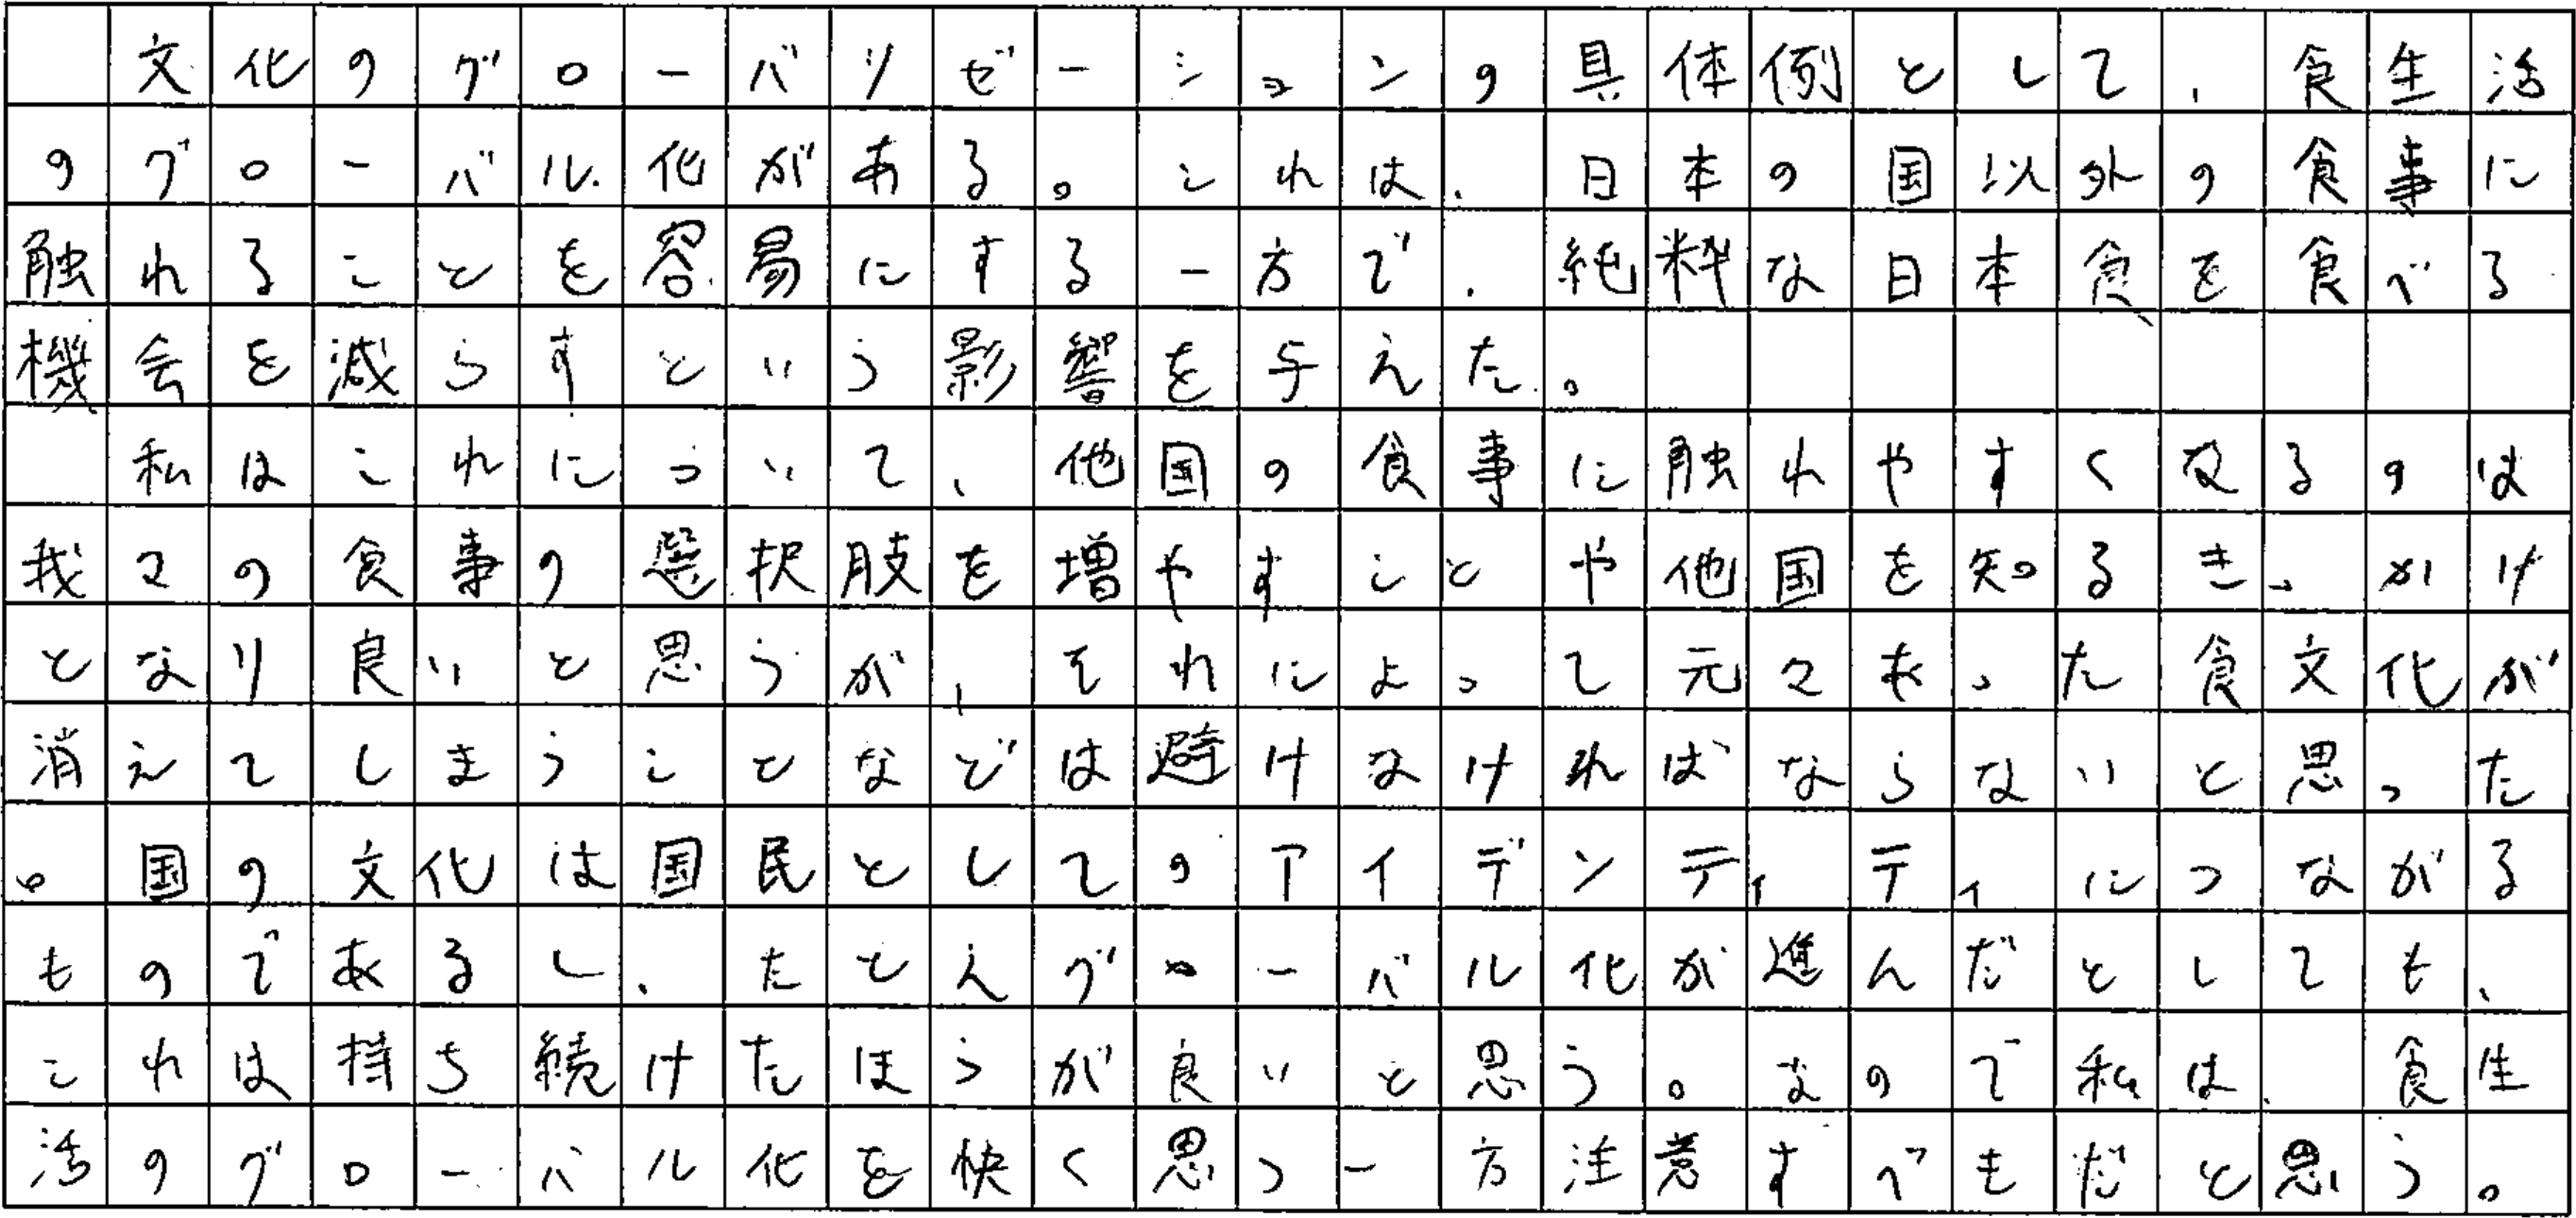　文化のグローバリゼーションの具体例として、食生活のグローバル化がある。これは、日本の国以外の食事に触れることを容易にする一方で、純粋な日本食を食べる機会を減らすという影響を与えた。
　私はこれについて、他国の食事に触れやすくなるのは我々の食事の選択肢を増やすことや他国を知るきっかけとなり良いと思うが、それによって元々あった食文化が消えてしまうことなどは避けなければならないと思った。国の文化は国民としてのアイデンティティにつながるものであるし、たとえグローバル化が進んだとしても、これは持ち続けたほうが良いと思う。なので私は、食生活のグローバル化を快く思う一方注意すべきだと思う。
